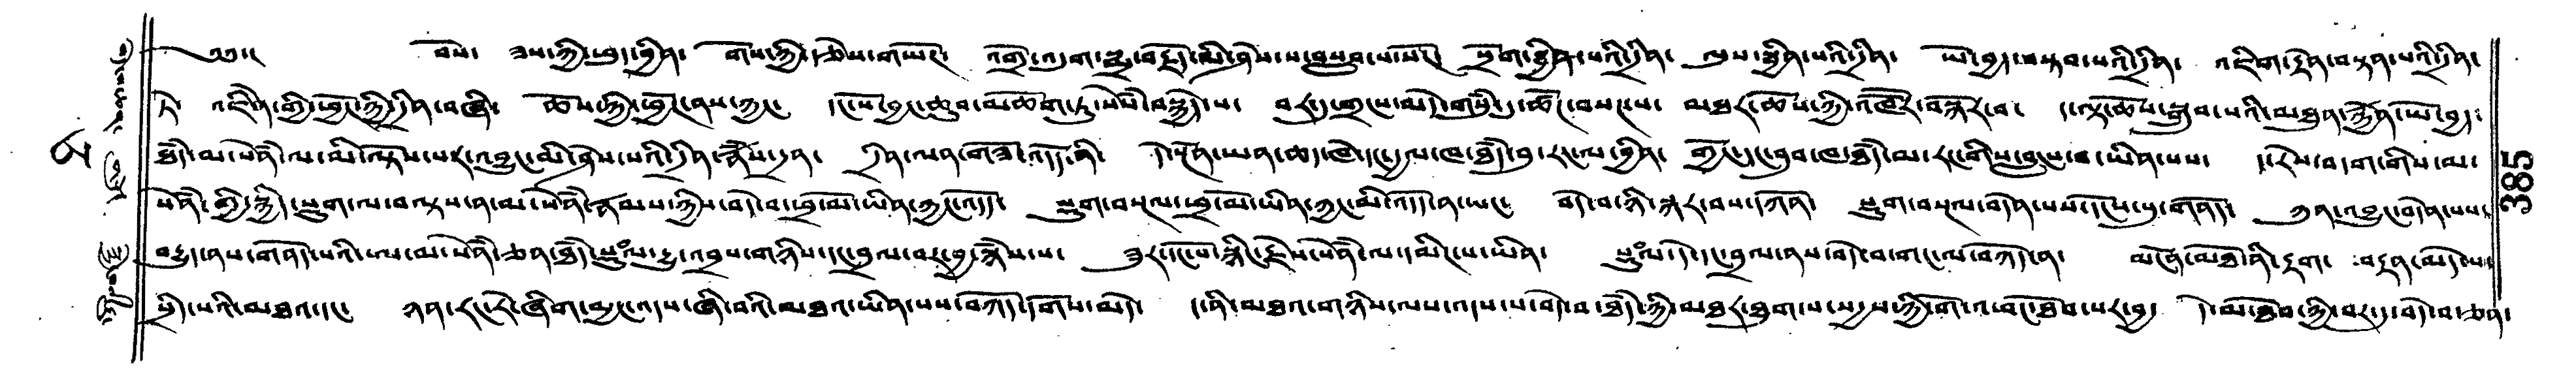བསོ། ཟས་ཀྱི་ཕུད་བྱིན།གོས་ཀྱི་རྩེས་གཡོགས། འགྲོ་འདུག་སྨྲ་བརྗོད་མི་ཤེས་པ་བསླབས་པ་སོགས། སྲོག་སྦྱིན་པའི་དྲིན། ལུས་སྦྱིན་པའི་དྲིན། ཡོ་བྱད་བསྟབས་པའི་དྲིན། འཇིག་རྟེན་བསྟན་པའི་དྲིན་
ཏེ་འཇིག་རྟེན་གྱི་ཕྱོགས་ཀྱི་དྲིན་བཞི། ཆོས་ཀྱི་ཕྱོགས་ནས་ཀྱང་དང་པོ་བྱང་ཆུབ་མཆོག་ཏུ་སེམས་བསྐྱེད་པ། བར་དུ་གྲངས་མེད་གསུམ་དུ་ཚོགས་བསགས་པ། མཐར་ཆོས་ཀྱི་འཁོར་ལོ་བསྐོར་བ། ད་ལྟ་ཆོས་སྒྲུབ་པའི་མཐུན་རྐྱེན་ཡོ་བྱད་
ཐམས་ཅད་མ་སེམས་ཅན་ལ་མ་ལྟོས་པར་འབྱུང་མི་ཤེས་པའི་དྲིན་རྣམ་དྲན། དྲིན་ལན་གཟོ་འདོད་ནི། དེ་སྔོན་ཡན་ཆད་ཁེ་དང་རྒྱལ་ཁ་ཐམས་ཅད་བུ་རང་ལ་བྱིན། གྱོང་དང་བུབ་ཁ་ཐམས་ཅད་མ་རང་གིས་བླངས་བ་ཡིན་པས། ད་རེས་བདག་གིས་མ་
སེམས་ཅན་ཀྱི་སྐྱིད་སྡུག་ལ་བལྟས་ན། སེམས་ཅན་རྣམས་ཀྱིས་བདེ་བ་ཕྲ་མོ་ཡིན་ཀྱང་འདོད། སྡུག་བསྔལ་ཕྲ་མོ་ཡིན་ཀྱང་མི་འདོད་ན་ཡང་། བདེ་བ་ཉིན་སྐར་བས་དཀོན། སྡུག་བསྔལ་བདེན་པས་དངོས་སུ་གནོད། ཀུན་འབྱུང་བདེན་པས་
བརྒྱུད་ནས་གནོད་པའི་ཨ་མ་སེམས་ཅན་ཐམས་ཅད་སྡུག་བསྔལ་རྒྱུ་འབྲས་གཉིས་དང་བྲལ་བར་བྱ་སྙམ་པ་ཟུར་དང་པོ་སྙིང་རྗེས་སེམས་ཅན་ལ་དམིགས་པ་ཡིན། སྡུག་བསྔལ་དེ་དང་བྲལ་ནས་བདེ་བ་གང་ལ་དགཽད་ན་མངོན་མཐོ་ནི་རྟག་བརྟན་མེད་པ་
སྲིད་པའི་མཐའ་དང་། ཉན་རང་རེ་ཞིག་མྱང་འདས་ཞི་བའི་མཐའ་ཡིན་པས་འགཽད་དགོས་མེད། ད་ནི་མཐའ་གཉིས་ལས་འདས་པ་བདེ་བ་ཐམས་ཅད་ཀྱི་མཐར་ཐུག་པ་སངས་རྒྱས་ཀྱི་གོ་འཕང་འཐོབ་པར་བྱ། དེ་མ་ཐོབ་ཀྱི་བར་དུ་བདེ་བ་ཅན་